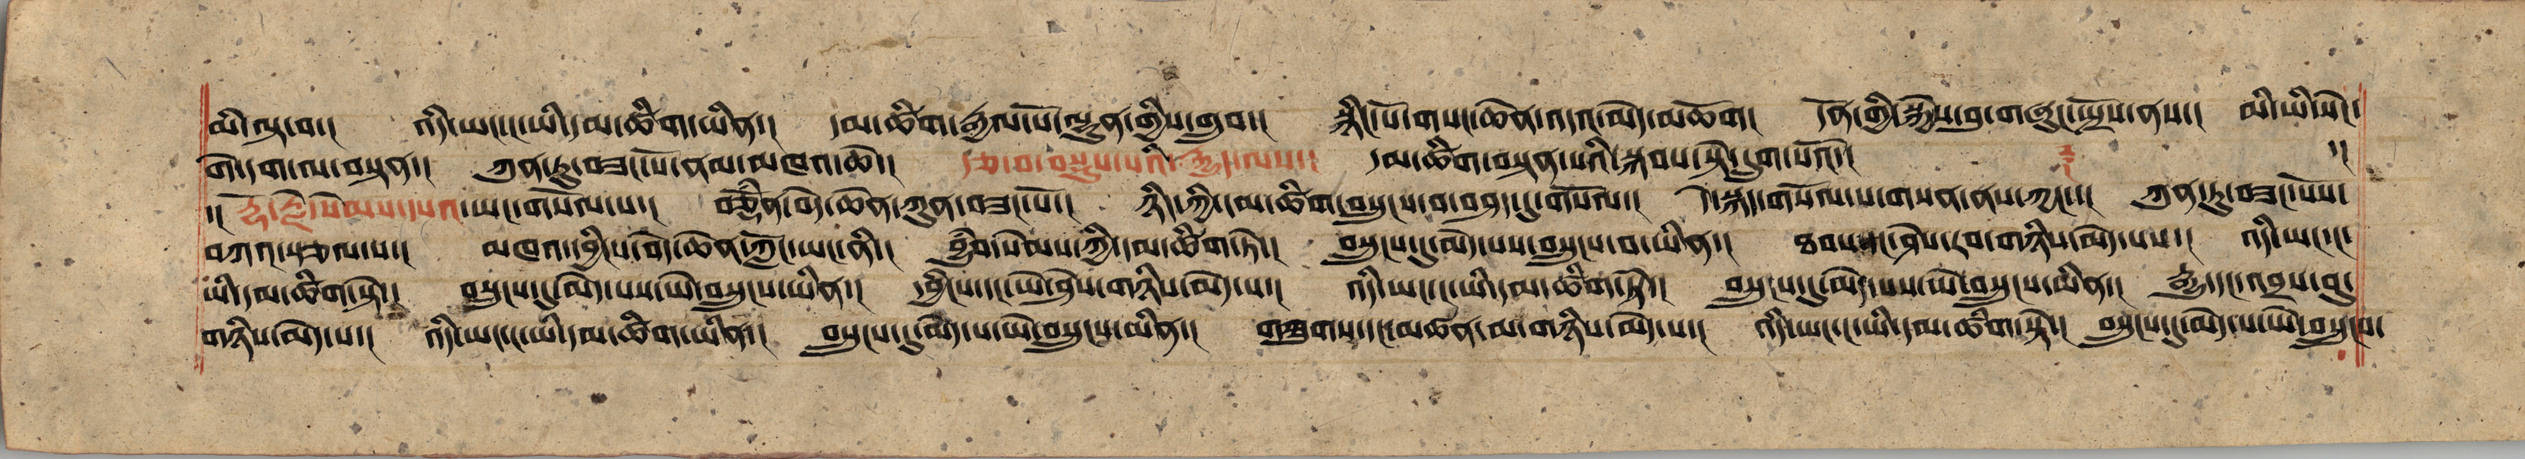མི་ལྟ་བ་། འདི་ཡང་ང་ཡི་དམ་ཚིག་ཡིན་། དམ་ཚིག་རྒྱལ་པོ་ལྷུན་གྱིས་གྲུབ་། སྙིང་པོ་གསང་ཆེན་འདའ་མེད་མཆོག། དོན་གྱི་སྐྱེས་བུ་གཞུང་སྤྲོས་ནས་། མི་ཡི་སེང་
གེ་དག་ལ་བསྟན་། ཀུན་ཏུ་བཟང་པོ་ནམ་མཁའ་ཆེ་། རྩ་བ་བསྡུས་པའི་རྒྱུད་ལས་། དམ་ཚིག་བསྟན་པའི་སྐབས་སྟེ་དྲུག་པའོ་།
་། རྡོ་རྗེ་སེམས་དཔའ་ཡང་གསོལ་པ་། བཅྡོཾན་བདེ་ཆེན་ཀུན་བཟང་པོ་། ཉིད་ཀྱི་དམ་ཚིག་བསྲུངས་བ་བཤད་དུ་གསོལ་། དེ་སྐད་གསོལ་པ་གསན་ནས་ཀྱང་་། ཀུན་ཏུ་བཟང་པོས་
བཀའ་སྩལ་པ་། མཁའ་དབྱིངས་བདེ་ཆེན་ཀློང་ཡང་ནི་། བྱུཾབ་སེམས་ཀྱི་དམ་ཚིག་ཏེ་། བསྲུངས་དུ་མེད་པས་བསྲུངས་བ་ཡིན་། ཐབས་དང་ཤཻས་རབ་གཉིས་མེད་པས་། འདི་ཡང་ང་
ཡི་དམ་ཚིག་སྟེ་། བསྲུངས་དུ་མེད་པས་ཡེ་བསྲུངས་ཡིན་། དབྱིངས་དང་ཡེ་ཤེས་གཉིས་མེད་པ་། འདི་ཡང་ང་ཡི་དམ་ཚིག་སྟེ་། བསྲུངས་དུ་མེད་པས་ཡེ་བསྲུངས་མིན་། རྒྱུ་དང་འབྲས་བུ་
གཉིས་མེད་པ་། འདི་ཡང་ང་ཡི་དམ་ཚིག་ཡིན་། བསྲུངས་དུ་མེད་པ་ཡེ་བསྲུངས་མིན་། གཟུགས་དང་མཚན་མ་གཉིས་མེད་པ་། འདི་ཡང་ང་ཡི་དམ་ཚིག་སྟེ་། བསྲུངས་དུ་མེད་པ་ཡེ་བསྲུངས་